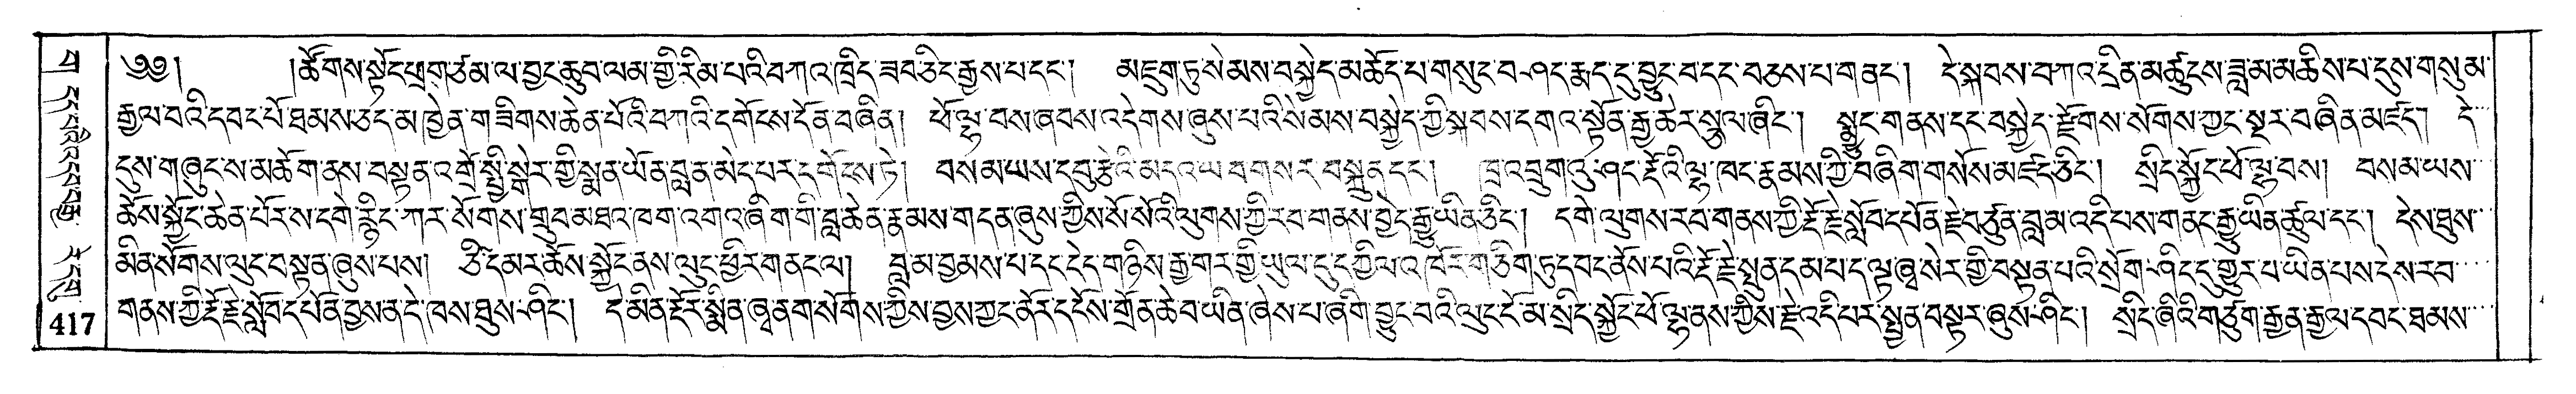༄༅། །ཚོགས་སྟོང་ཕྲག་ཙམ་ལ་བྱང་ཆུབ་ལམ་གྱི་རིམ་པའི་བཀའ་ཁྲིད་ཟབ་ཅིང་རྒྱས་པ་དང་། མཇུག་ཏུ་སེམས་བསྐྱེད་མཆོད་པ་གསུང་བཤད་རྨད་དུ་བྱུང་བ་དང་བཅས་པ་གནང་། དེ་སྐབས་བཀའ་དྲིན་མཚུངས་ཟླ་མ་མཆིས་པ་དུས་གསུམ་
རྒྱལ་བའི་དབང་པོ་ཐམས་ཅད་མཁྱེན་གཟིགས་ཆེན་པོའི་བཀའི་དགོངས་དོན་བཞིན། ཕོ་ལྷ་བས་ཞབས་འདེགས་ཞུས་བའི་སེམས་བསྐྱེད་ཀྱི་སྐབས་དགའ་སྟོན་རྒྱ་ཆེར་སྩལ་ཞིང་། སྨྱུང་གནས་དང་བསྐྱེད་རྫོགས་སོགས་ཀྱང་སྔར་བཞིན་མཛད། དེ་
དུས་གཞུང་ས་མཆོག་ནས་བསྟན་འགྲོ་སྤྱི་སྒེར་གྱི་སྨན་ཡོན་བླ་ན་མེད་པར་དགོངས་ཏེ། བསམ་ཡས་དབུ་རྩེའི་མདའ་ཡབ་གསར་བསྐྲུན་དང་། ཁྲ་འབྲུག་འུ་ཤང་རྡོའི་ལྷ་ཁང་རྣམས་ཀྱི་བཞིག་གསོས་མཛད་ཅིང་། སྲིད་སྐྱོང་ཕོ་ལྷ་བས། བསམ་ཡས་
ཆོས་སྐྱོང་ཆེན་པོར་ས་དགེ་རྙིང་ཀར་སོགས་གྲུབ་མཐའ་ཁག་འགའ་ཞིག་གི་བླ་ཆེན་རྣམས་གདན་ཞུས་ཀྱིས་སོ་སོའི་ལུགས་ཀྱི་རབ་གནས་བྱེད་རྒྱུ་ཡིན་ཅིང་། དགེ་ལུགས་རབ་གནས་ཀྱི་ཇོ་རྗེ་སློབ་དཔོན་རྗེ་བཙུན་བླ་མ་འདི་པས་གནང་རྒྱུ་ཡིན་ཚུལ་དང་། དེས་ཐུས་
མིན་སོགས་ལུང་བསྟན་ཞུས་པས། ཅི་དམར་ཆོས་སྐྱོང་ནས་ལུང་ཕྱིར་གནང་ལ། བླ་མ་བྱམས་པ་དང་ངེད་གཉིས་རྒྱ་གར་གྱི་ཡུལ་དུ་དཀྱིལ་འཁོར་གཅིག་ཏུ་དབང་ནོས་པའི་རྡོ་རྗེ་སྤུན་དམ་པ་ད་ལྟ་ཞྭ་སེར་གྱི་བསྟན་པའི་སྲོག་ཤིང་དུ་གྱུར་བ་ཡིན་པས་དེས་རབ་
གནས་ཀྱི་རྡོ་རྗེ་སློབ་དཔོན་བྱས་ན་དེ་ཁས་ཐུས་ཤིང་། དེ་མིན་རྡོར་སྨིན་ཞྭ་ནག་སོགས་ཀྱིས་བྱས་ཀང་ནོར་དངོས་གྲོན་ཆེ་བ་ཡིན་ཞེས་པ་ཞིག་བྱུང་བའི་ལུང་ངོ་མ་སྲིད་སྐྱོང་ཕོ་ལྷ་ནས་ཀྱིས་རྗེ་འདི་པར་སྤྱན་བསྟར་ཞུས་ཤིང་། སྲིད་ཞིའི་གཙུག་རྒྱན་རྒྱལ་དབང་ཐམས་